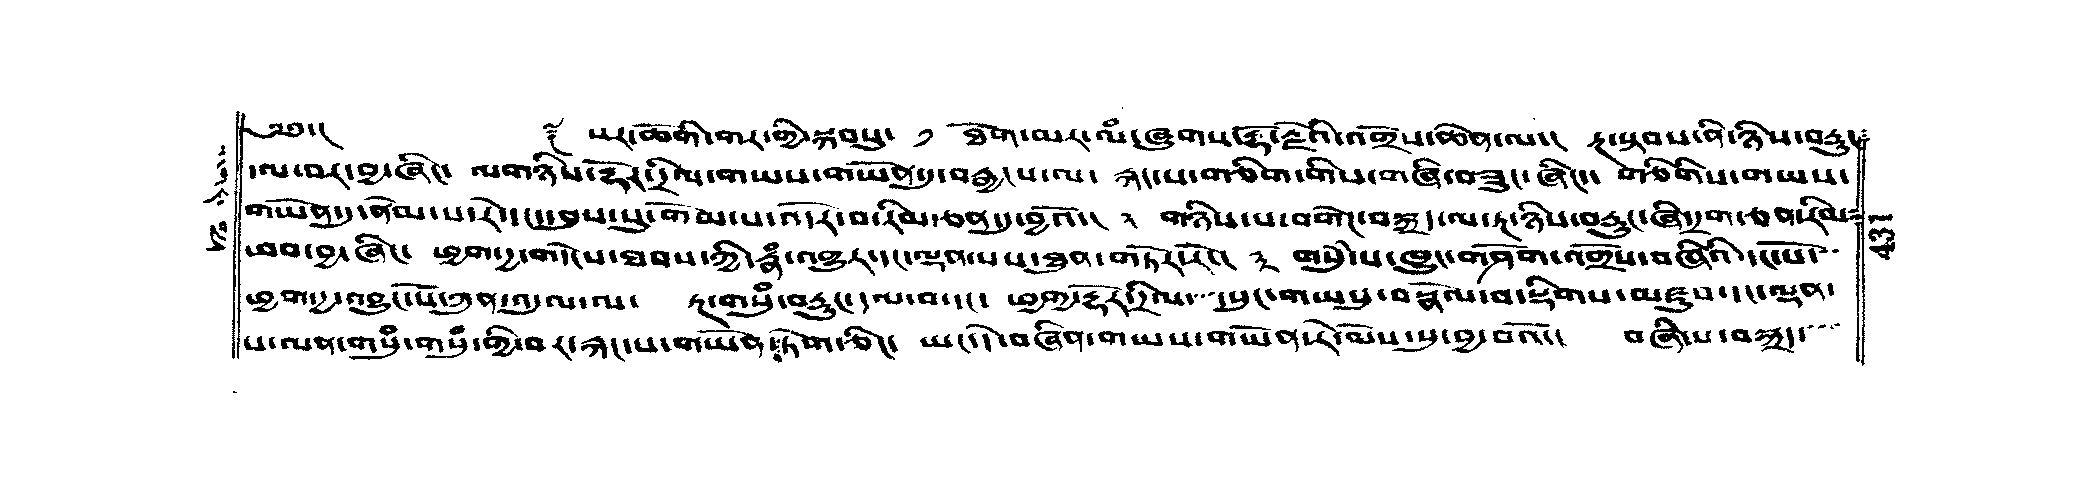༈ སར་ཆོག་གར་གྱི་སྐབས་སུ། ༡ ཐོག་མར་ལམ་ཞུགས་རྡོ་རྗེའི་འགྲོས་ཆེན་ལ། རྔ་སྟབས་ནི་ཉིས་བརྡུང་
དལ་བར་བྱ་ཞིང་། ལག་གཉིས་རྡོར་དྲིལ་གཡས་གཡོན་དུ་བརྒྱངས་ལ། རྐང་པ་གཅིག་གིས་གཞི་བཟུང་ཞིང་། གཅིག་གིས་གཡས་
གཡོན་དུ་ནོམ་པ་རེ་དང་དབུས་སུ་གོམ་པ་འདོར་བ་རིམ་ཅན་དུ་བྱའོ། ༢ གཉིས་པ་བགེགས་བསྐྲད་ལ་རྔ་ཉིས་བརྡུང་ཞི་དྲག་ཅན་རིམ་
ཕབ་བྱ་ཞིང་། ཕྱག་རྒྱ་གདེངས་ཐབས་ཀྱི་རྣམ་འགྱུར་དང་ལྡན་པས་ཐུན་གཏོར་རོ། ༣ གསུམ་པ་ཁྱུང་གཤོག་འགྲོས་པ་བཞིའི་དང་པོ་
ཕྱག་རྒྱ་འབྱུང་པོ་ཀུན་འདུས་ལ། རྔ་གསུམ་བརྡུང་དལ་བ་དང་། ཕྱག་རྡོར་དྲིལ་དཔུང་གཡས་སུ་བསྣོལ་བ་སྡིག་མཛུབ་དང་ལྡན་
པ་ལན་གསུམ་གསུམ་གྱི་བར་རྐང་པ་གཡོན་ལ་བཏེག་ཅིང་། ཡང་དེ་བཞིན་གཡས་གཡོན་རེ་མོས་སུ་བྱ་བའོ། ༤ བཞི་པ་བསྐྲད་